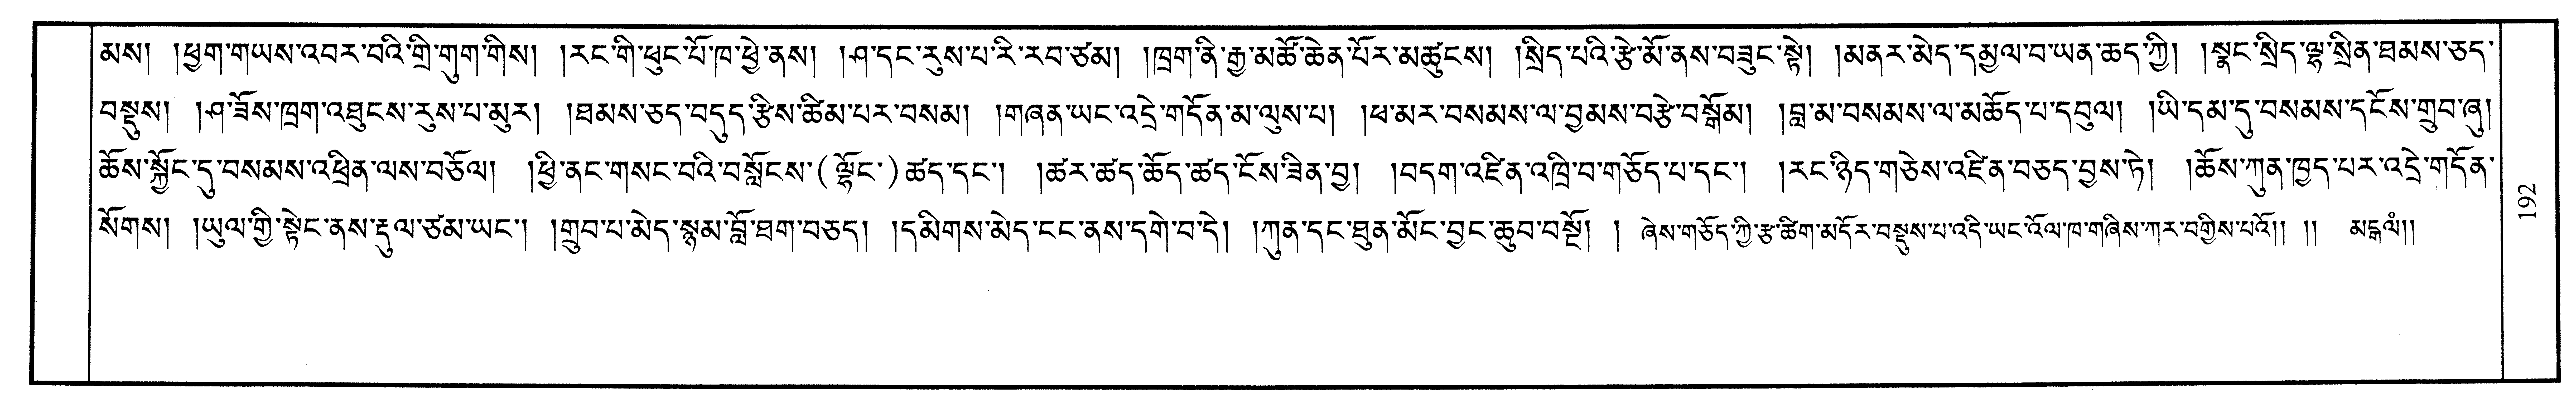མས། །ཕྱག་གཡས་འབར་བའི་གྲི་གུག་གིས། །རང་གི་ཕུང་པོ་ཁ་ཕྱེ་ནས། །ཤ་དང་རུས་པ་རི་རབ་ཙམ། །ཁྲག་ནི་རྒྱ་མཚོ་ཆེན་པོར་མཚུངས། །སྲིད་པའི་རྩེ་མོ་ནས་བཟུང་སྟེ། །མནར་མེད་དམྱལ་བ་ཡན་ཆད་ཀྱི། །སྣང་སྲིད་ལྷ་སྲིན་ཐམས་ཅད་
བསྡུས། །ཤ་ཟོས་ཁྲག་འཐུངས་རུས་པ་མུར། །ཐམས་ཅད་བདུད་རྩིས་ཚིམ་པར་བསམ། །གཞན་ཡང་འདྲེ་གདོན་མ་ལུས་པ། །ཕ་མར་བསམས་ལ་བྱམས་བརྩེ་བསྒོམ། །བླ་མ་བསམས་ལ་མཆོད་པ་དབུལ། །ཡི་དམ་དུ་བསམས་དངོས་གྲུབ་ཞུ།
ཆོས་སྐྱོང་དུ་བསམས་འཕྲིན་ལས་བཅོལ། །ཕྱི་ནང་གསང་བའི་བསློངས་ལྷོང་ཚད་དང་། །ཚར་ཚད་ཆོད་ཚད་ངོས་ཟིན་བྱ། །བདག་འཛིན་འཁྲི་བ་གཅོད་པ་དང་། །རང་ཉིད་གཅེས་འཛིན་བཅད་བྱས་ཏེ། །ཆོས་ཀུན་ཁྱད་པར་འདྲེ་གདོན་
སོགས། །ཡུལ་གྱི་སྟེང་ནས་རྡུལ་ཙམ་ཡང་། །གྲུབ་པ་མེད་སྙམ་བློ་ཐག་བཅད། །དམིགས་མེད་ངང་ནས་དགེ་བ་དེ། །ཀུན་དང་ཐུན་མོང་བྱང་ཆུབ་བསྔོ། །ཞེས་གཅོད་ཀྱི་རྩ་ཚིག་མདོར་བསྡུས་པ་འདི་ཡང་འོལ་ཁ་གཞིས་ཀར་བགྱིས་པའོ།། །། མངྒལཾ།།